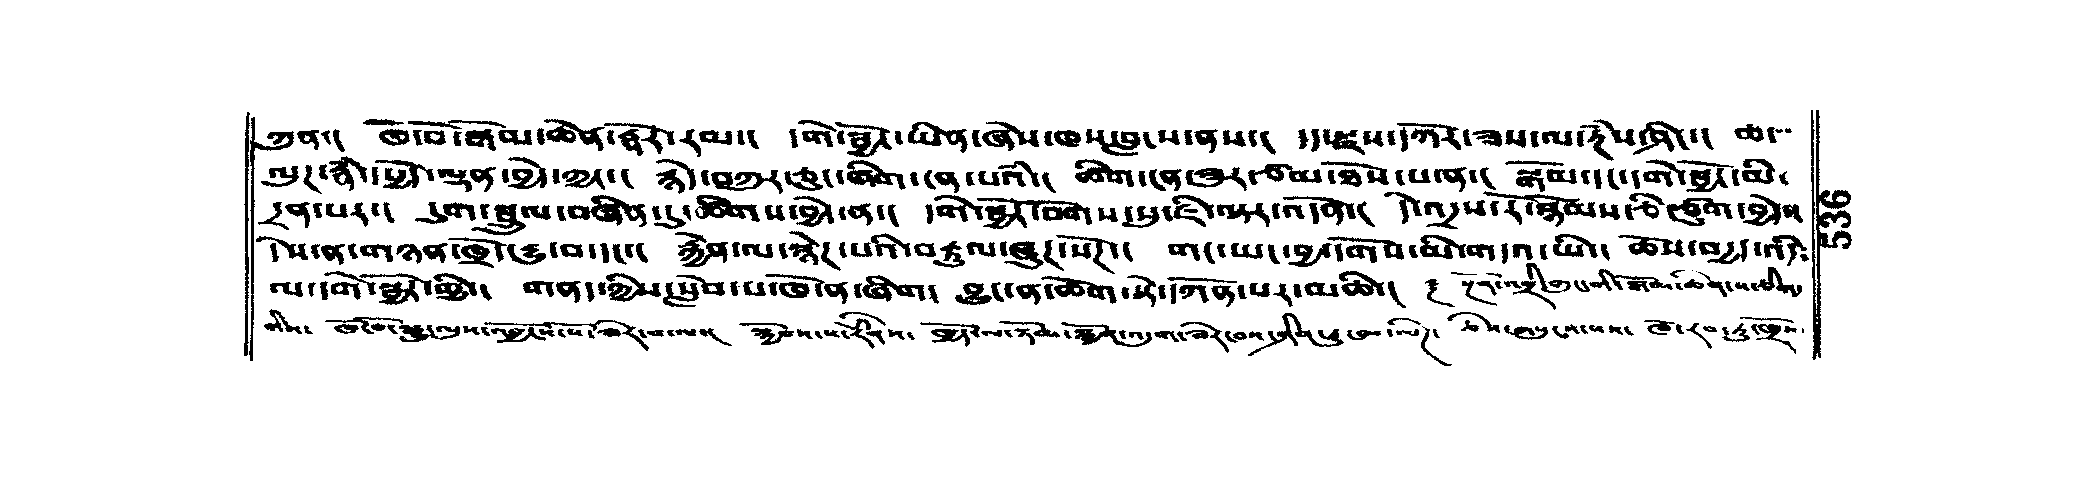ཀུན། །ཁོ་བོ་སྒོམ་ཆེན་རྣལ་འབྱོར་རམ། །དགེ་སྦྱོང་ཡིན་ཞེས་ཁས་བླངས་ནས། །དད་རྫས་དཀོར་ཟས་ལ་རྔམས་ཤིང་། །ཆ་
ལུགས་རྣམ་དཔྱོད་ལྡན་བྱེད་ཀྱང་། །རྙེད་བཀུར་ཅུང་ཞིག་ངན་པའམ། །ཚིག་ངན་ཟུར་ཙམ་ཐོས་པ་ན། །སྒོམ་དང་དགེ་སྦྱོང་མི་
དྲན་པར། །དུག་སྦྲུལ་བཞིན་དུ་ཚིག་བྱེད་ན། །དགེ་སྦྱོར་བོགས་སུ་ཇི་ལྟར་འདོན། །དེ་འདྲས་རོ་སྙོམས་ཅི་ཙུག་བྱེད། །
དེས་ན་གཉན་ཁྲོད་རྒྱུ་བ་དང་། །རྐྱེན་ལ་སྙེམས་པའི་བརྟུལ་ཞུགས་སོགས། །གང་ཡང་བྱ་དགོས་མི་གདའ་ཡི། །ཆོས་བརྒྱད་འདི་
ལ་དགེ་སྦྱོར་གྱི། །གནད་ཀྱིས་སློབ་པ་ཁོ་ན་ཞིག།བྱུང་ན་ཆོག་སྟེ་དཀོན་པར་མཆི། ༈ སྔོན་འབྲི་གུང་གི་སྒོམ་ཆེན་པ་ཞིག་
གིས། ཁོ་བོ་སྒྱུ་ལུས་འབྱོངས་སོ་ཟེར་བ་ལ། སྐྱོབ་པ་རིན་པོ་ཆེས། ཁྱོད་ལ་སྒོམ་སྐྱོན་འདུག་ཟེར་བས་ཤིན་ཏུ་མ་ལེགས། ཅེས་གསུངས་པས། ཁོ་རབ་ཏུ་ཁྲོས་